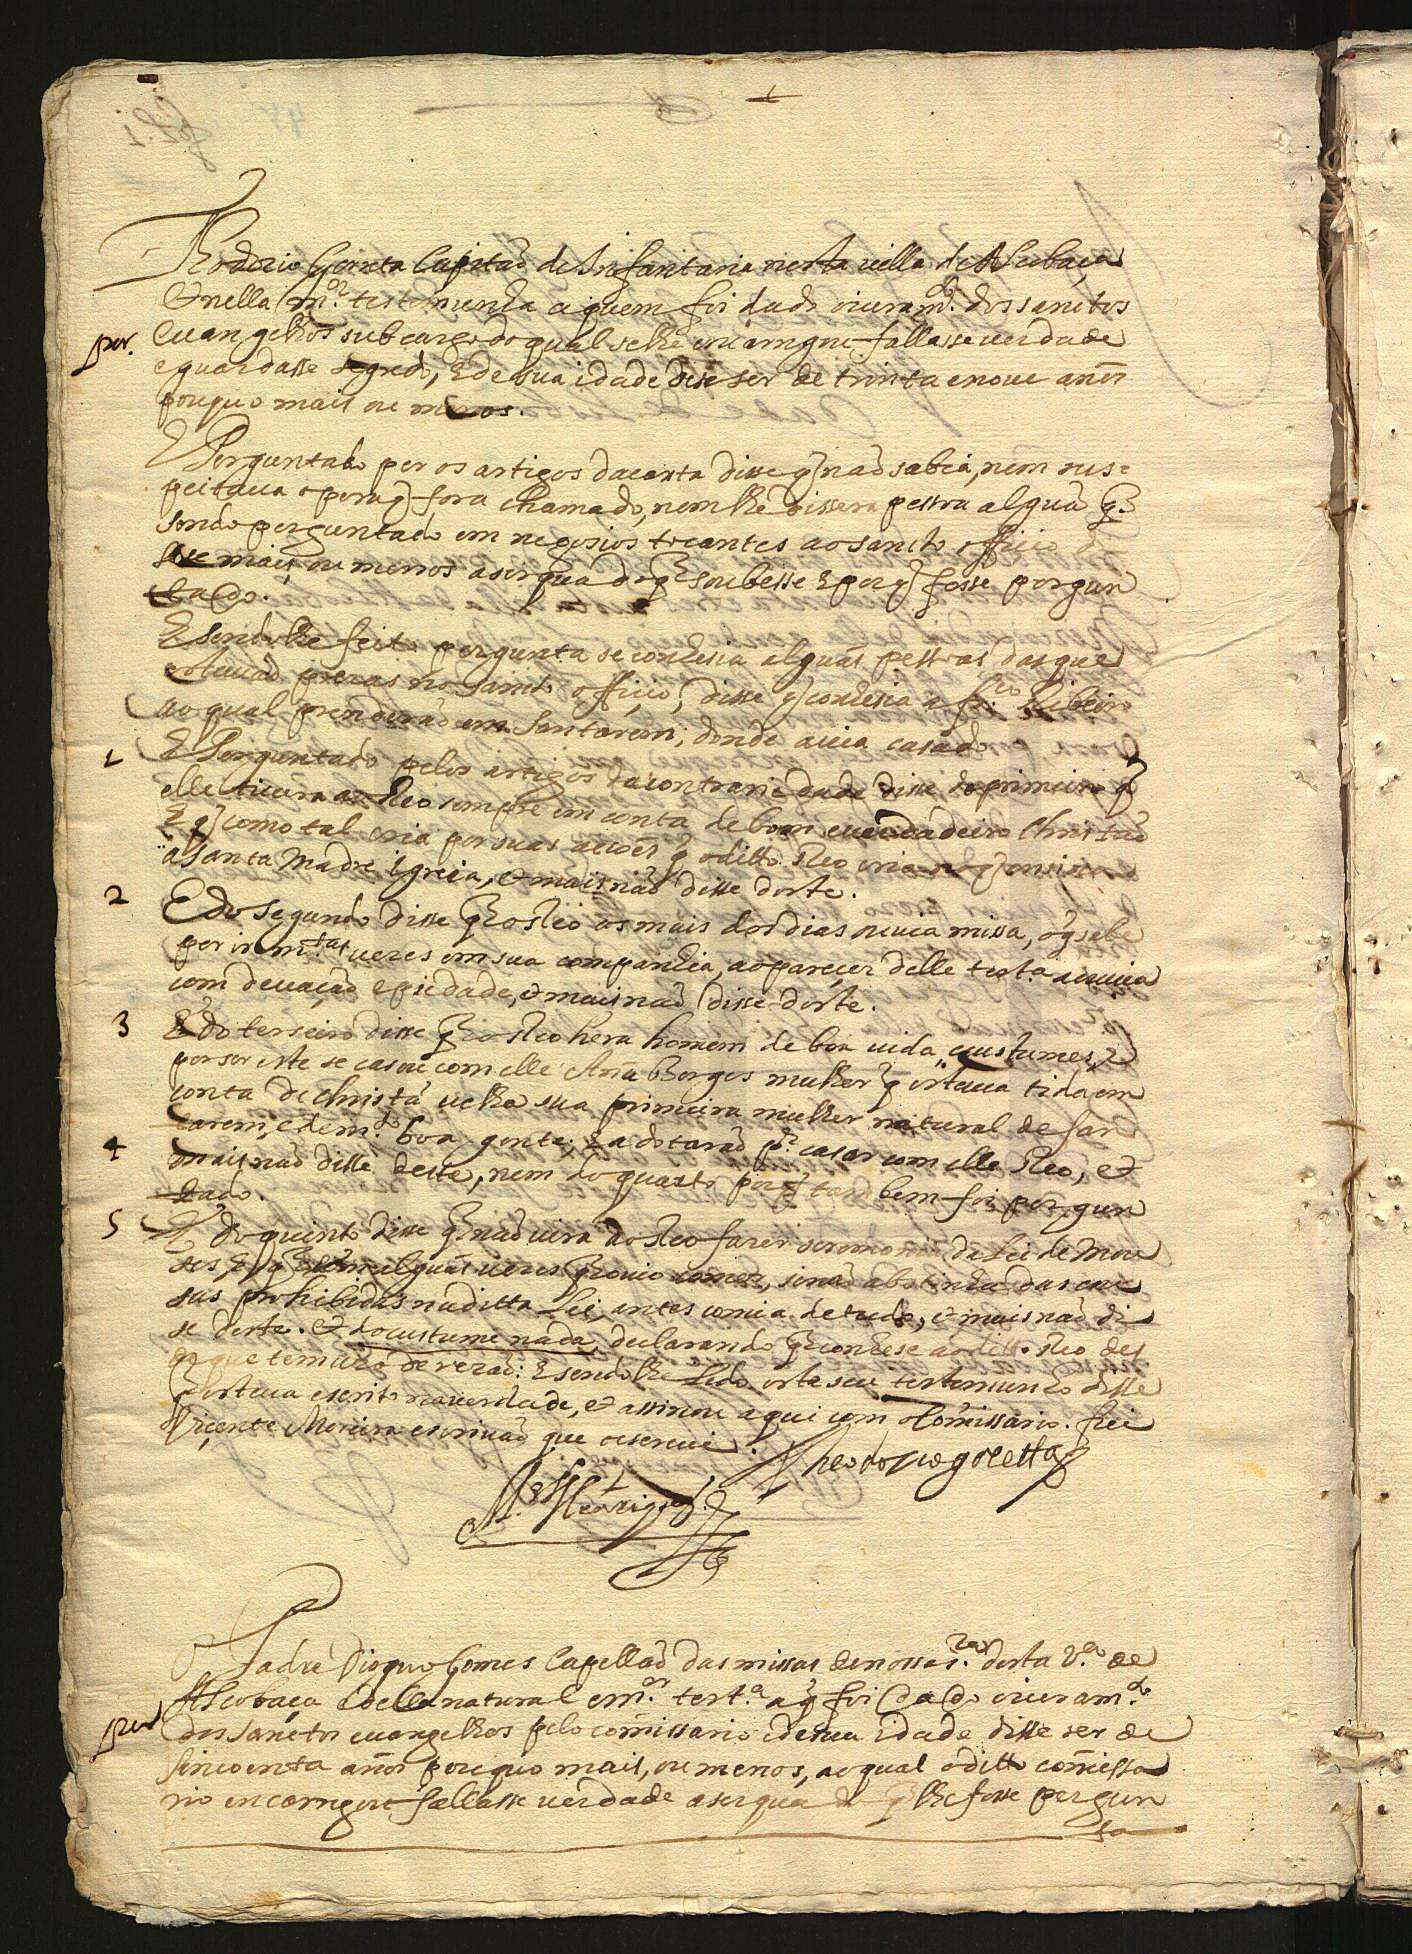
Thodozio Gorreta Capitaõ de Infantaria nesta uilla de Alcobaça
& nella m.or testemunha a quem foi dado o iuramto. dos sanctos
euangelhos sub cargo do qual se lhe encarregou fallasse uerdade
e guardasse segredo, E de sua idade dise ser de trinta e noue anōs
pouquo mais ou menos.
E Perguntado per os artigos da carta disse q̄ naõ sabia, nem sus
peitaua o pera q̄ fora chamado, nem lhe dissera pessoa alguā q̄
sendo perguntado em negosios tocantes ao sancto offiçio di
sese mais, ou menos aserqua do q̄ soubesse E porq̄ fosse pergun
tado.
E sendolhe feito pergunta se conhesia alguās pessoas das que
estauaõ prezas no sancto offiçio, disse q̄ conhesia a fr.co Ribeiro
ao qual prenderaõ em santarem, donde auia casado
1 E Perguntado pelos artigos da contrariedade disse do primeiro q̄
elle tiuera ao Reo sempre em conta de bom e uerdadeiro Christaõ
E q̄ como tal cria por suas accoẽs q̄ o ditto Reo cria no q̄ ensina
a santa madre igreia, & mais naõ disse deste.
2 E do segundo disse q̄ o Reo os mais dos dias ouuia missa, o q̄ sabe
por ir m.tas uezes em sua companhia, ao pareçer delle test.a a ouuia
com deuoçaõ e piedade, & mais naõ disse deste.
3 E do terceiro disse q̄ o Reo hera homem de boa uida, e custumes, E
por ser este se casou com elle Ana Borges mulher q̄ estaua tida em
conta de christã uelha sua primeira mulher natural de san
tarem, e de m.to boa gente; E a dotaraõ p.a casar com elle Reo, &
4 mais naõ disse desta, nem ao quarto porq̄ tambem foi pergun
tado.
5 E do quinto disse q̄ naõ uira do Reo fazer seremonia da lei de mou
ses, E q̄ em alguās uezes q̄ o uio comer, se naõ abstinha das cou
sas prohibidas na ditta Lei, antes comia de tudo, & mais naõ di
se deste. & do custume nada, declarando q̄ conhese ao ditto Reo des
de que tem uzo de rezaõ: E sendolhe lido este seu testemunho disse
q̄ estaua escrito na uerdade, & assinou aqui com o Com̄issario. frei
Viçente Moreira escriuaõ que o escreui.
O Padre Dioguo Gomes Capellaõ das missas de nossa s.ra desta V.a de
Alcobaça e delle natural e m.or test.a a q̄ foi dado o iuram.to
dos sanctos euangelhos pelo com̄issario e de sua idade disse ser de
sincoenta an̄os pouquo mais, ou menos, ao qual o ditto com̄issa
rio encarregou fallasse uerdade aserqua do q̄ lhe fosse pergun
jur.
jur
